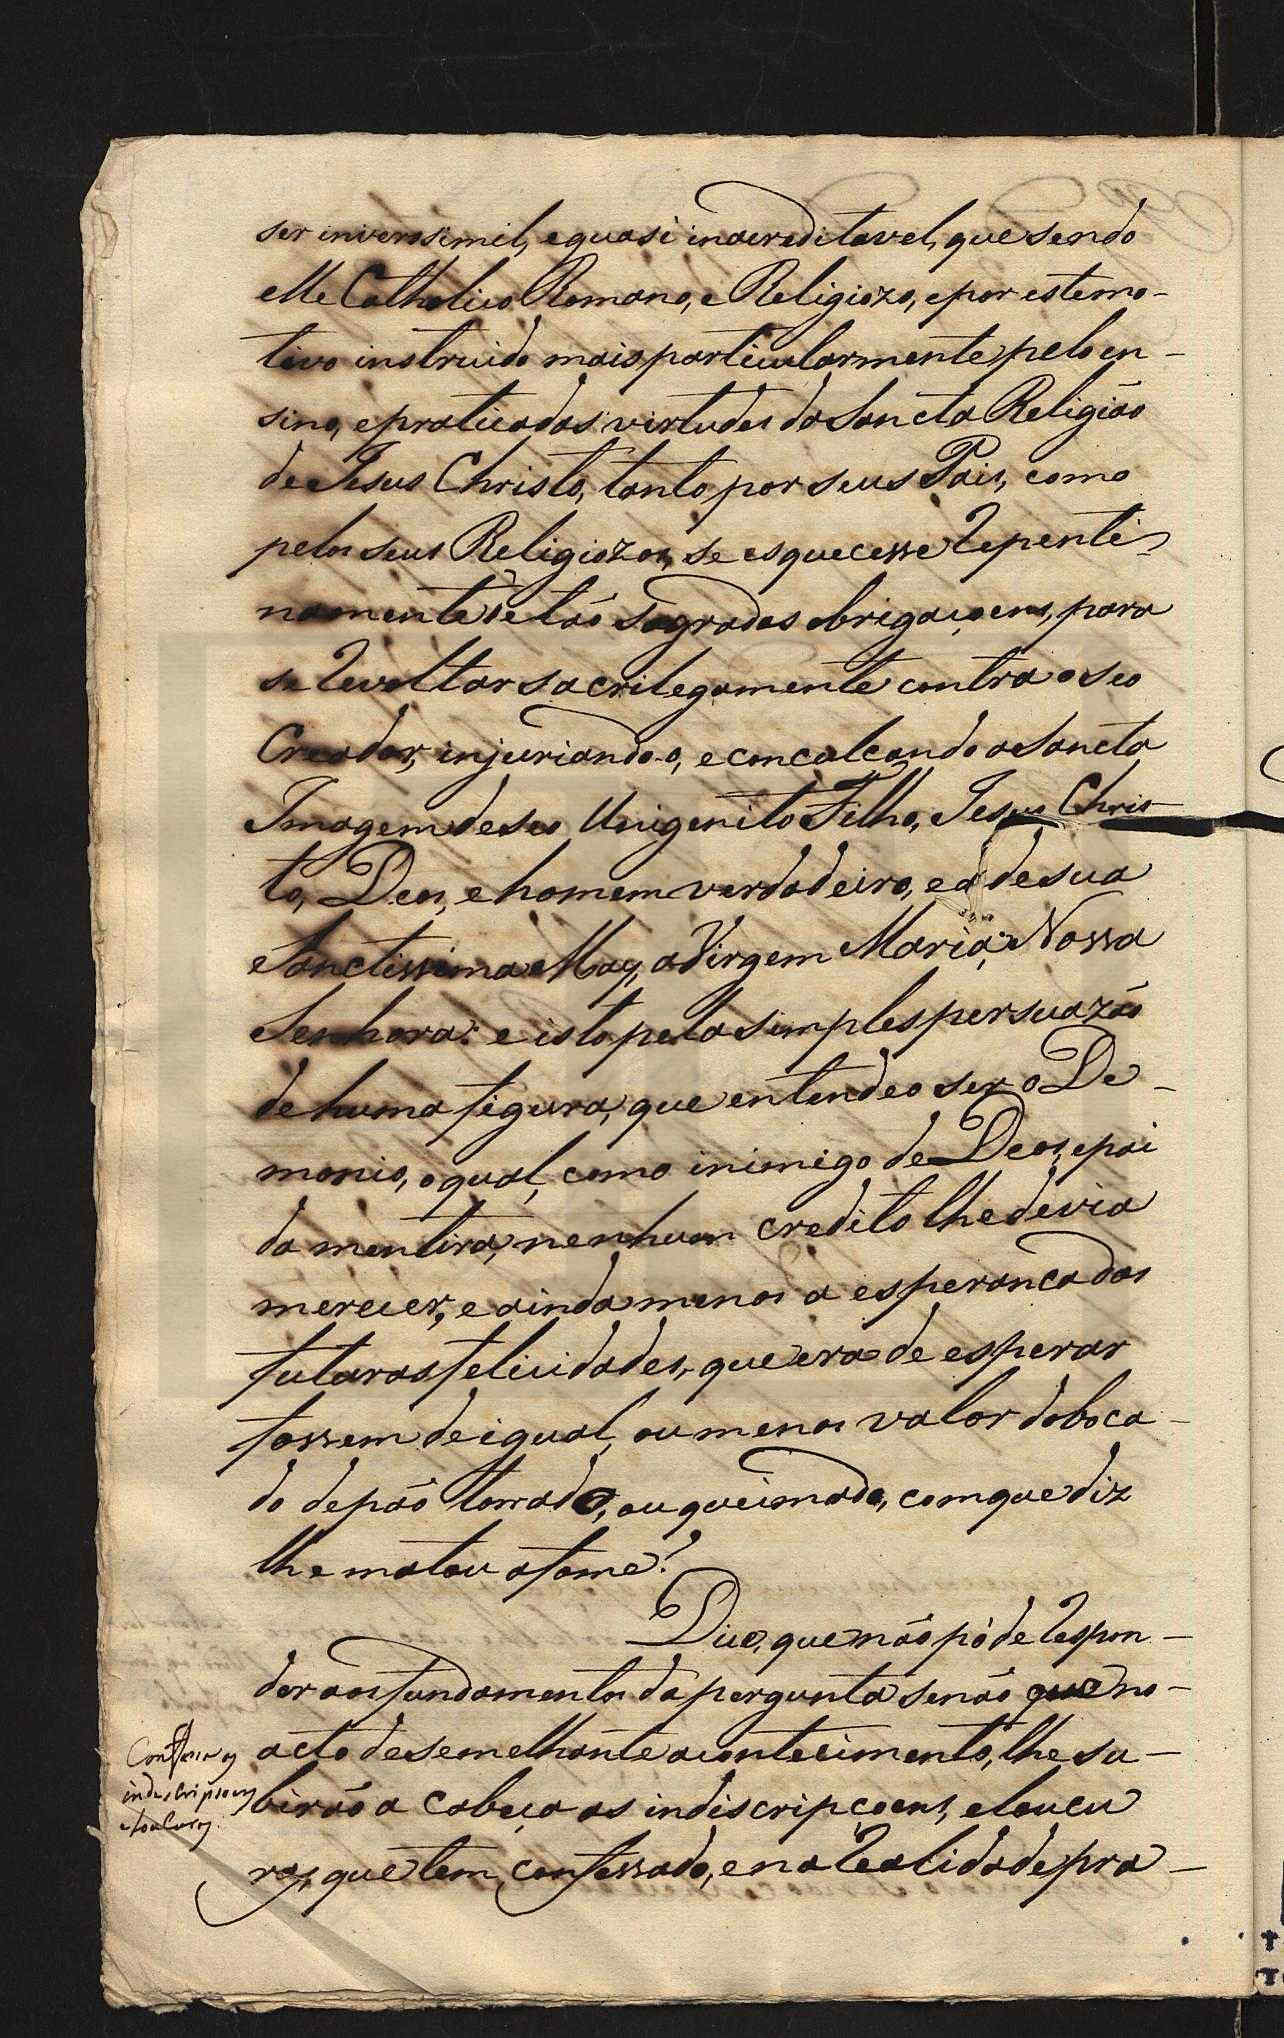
ser inverosimil, e quase inacreditavel, que sendo
elle Catholico Romano, e Religiozo, e por este mo
tivo instruido mais particularmente pelo en
sino, e pratica das virtudes da Sancta Religiaõ
de Iesus Christo, tanto por seus Pais, como
pelos seus Religiozos, se esquecesse Repenti
namente de taõ sagradas obrigaçoens, para
se Revoltar sacrilegamente contra o seo
Creador, injuriando-o, e conculcando a Sancta
Imagem de seo Unigenito Filho, Iesus Chris
to, Deos, e homem verdadeiro, e a de sua
Sanctissima May, a Virgem Maria, Nossa
Senhora, e isto pela simples persuazaõ
de huma figura, que entendeo ser o De
monio, o qual como inimigo de Deos, e pai
da mentira, nenhum credito lhe devia
merecer, e ainda menos a esperança das
futuras felicidades, que era de esperar
fossem de igual, ou menos valor do boca
do de paõ torrado, ou queimado, com que diz
lhe matou a fome?
Dice, que naõ póde Respon
der aos fundamentos da pergunta senaõ que no
Confesou as
indescripsoens
e louCuras
acto de semelhante acontecimento, lhe su
biraõ a cabeça as indiscripçoens, e loucu
ras, que tem confessado, e na Realidade pra
